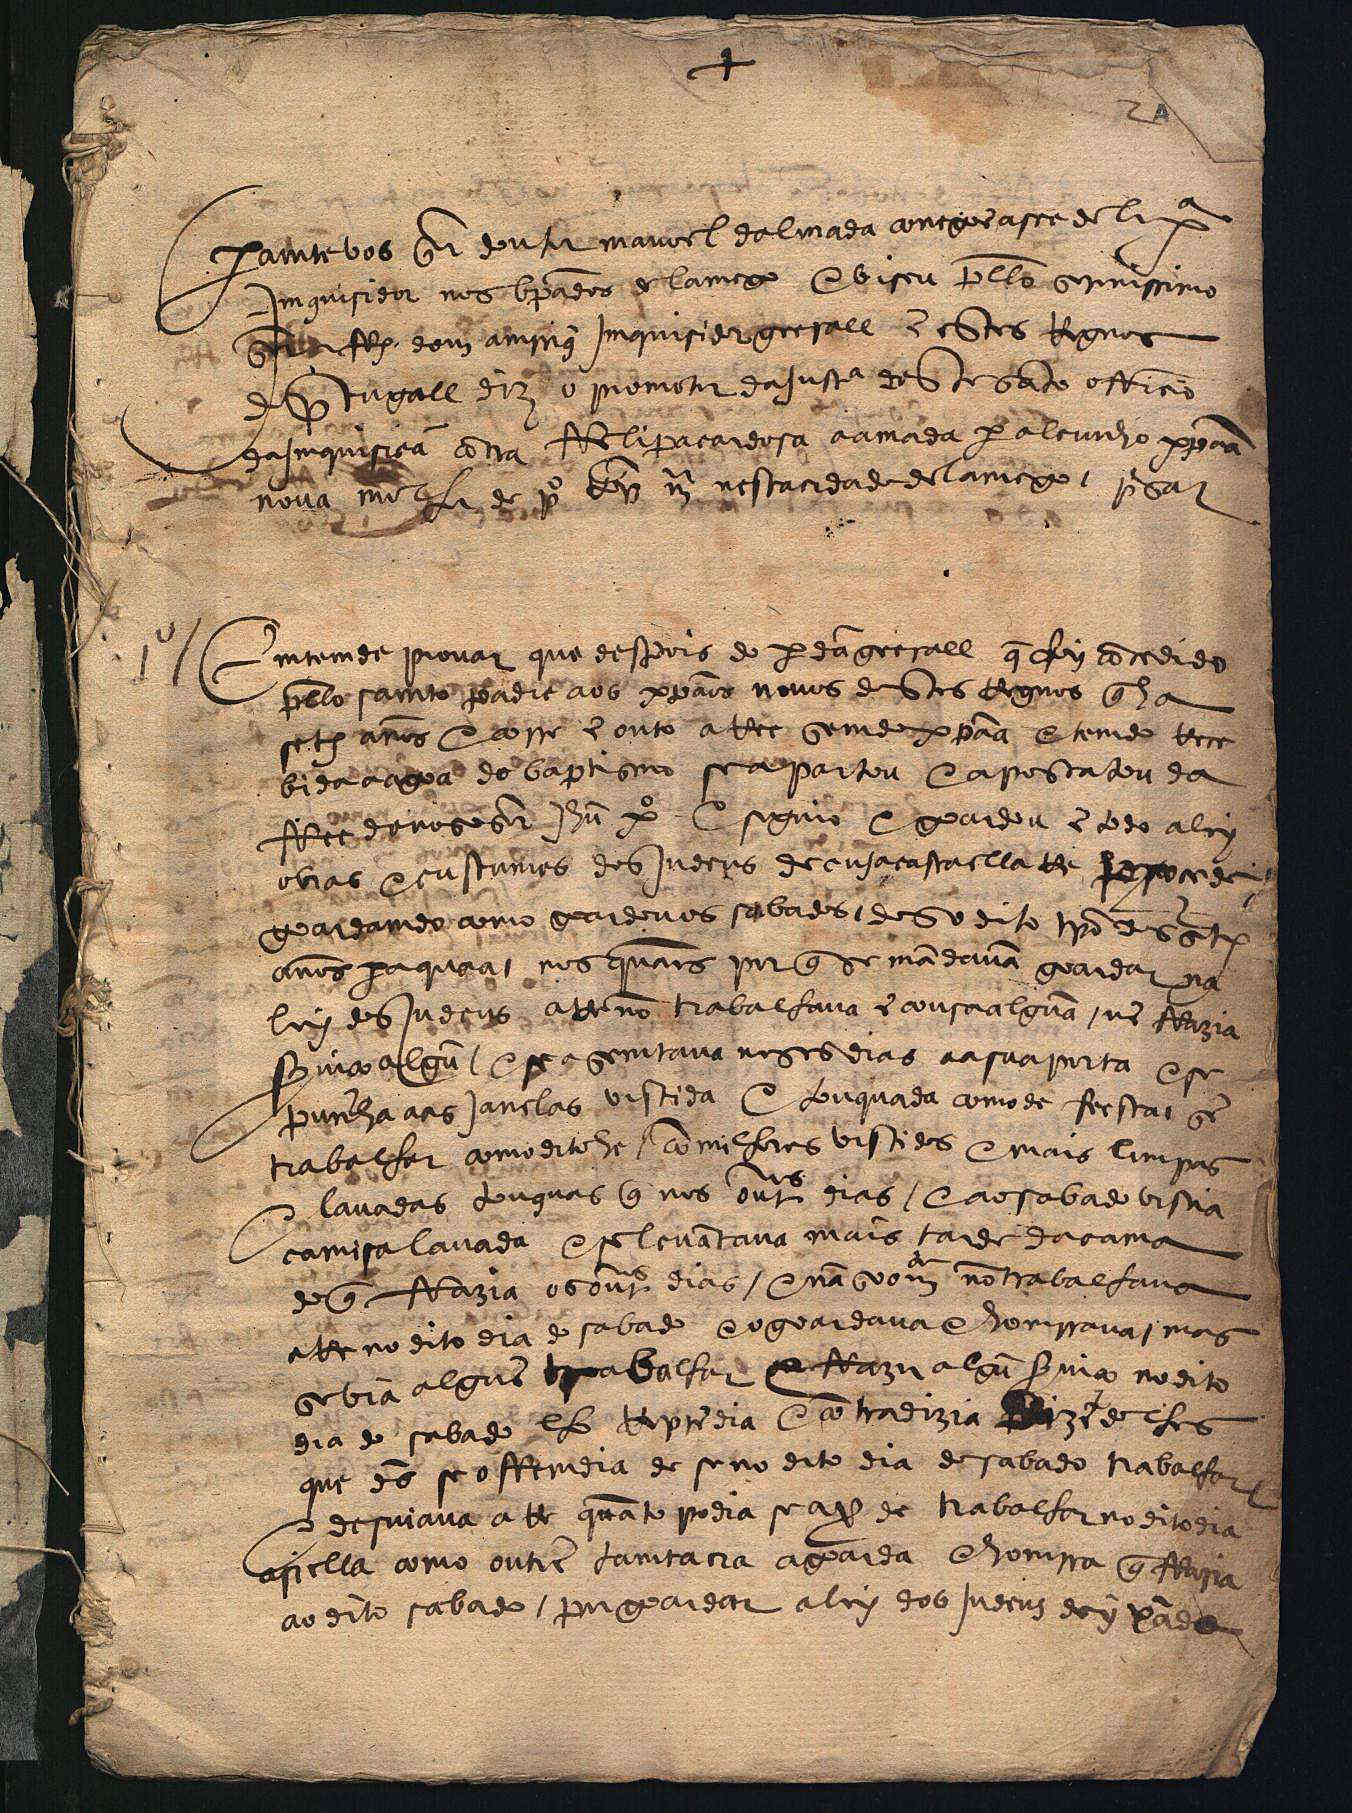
ꝑamte vos sōr doutor manoel dalmada conego ē a see de lixa
Jmquisidor nos bpādos de lamego e viseu p̄llo serenissimo
s̄or iffꝭ dom amrriq̄ Jmquisidor geerall ē estes Regnos
de p̄tugall diz o promotor da Justa deste sāto officio
da Jmquisicā cōtra ffelipa cardosa aamada ꝑ alcunho xp̄aa
noua molher de po Rōjz mor nesta cidade de lamego / p̄sa /
Emtemde prouar que despois do ꝑdā geerall q̄ foy cōcedido
p̄llo samto padre aos xpãos nouos destes Regnos q̄ ha
setꝭ an̄os e corre ē outo a Ree semdo xpāa e temdo Rece
bida a agoa do baptismo se apartou e apostatou da
ffee de noso sōr Jhū xo e seguio e goardou ē todo a ley
obras e custumes dos Judeus de cuja casta ella Re proçeede
goardamdo como goardou os sabados / des o dito tpō dos setꝭ
an̄os ꝑa quaa / nos q̄uaes porq̄ se mādauā goardar na
ley dos Judeus a Re n̄o trabalhaua ē cousa algūa / nē ffazia
ꞩuiço algū / e se asemtaua neses dias aa sua porta e se
punha aas Janelas vistida e touquada como de feesta / sē
trabalhar como dito he / c̄o milhores vistidos e mais limpas
e lauadas touquas q̄ nos outros dias / e ao sabado vistia
camisa lauada e se leuātaua mais tarde da cama
do q̄ ffazia os outros dias / e nā soomte n̄o trabalhaua
a Re no dito dia do sabado e o goardaua e homrraua / mas
se via algūs trabalhar e ffazer algū ꞩuiço no dito
dia do sabado lho Reprēdia e c̄otradizia dizēdo lhes
que d̄s se offemdia de se no dito dia do sabado trabalhar/
e desuiaua a Re q̄uato podia se aꝟ de trabalhar no dito dia
asi ella como outrē tamta era a goarda e homrra q̄ ffazia
ao dito sabado / por goardar a ley dos Judeus deyxādo
